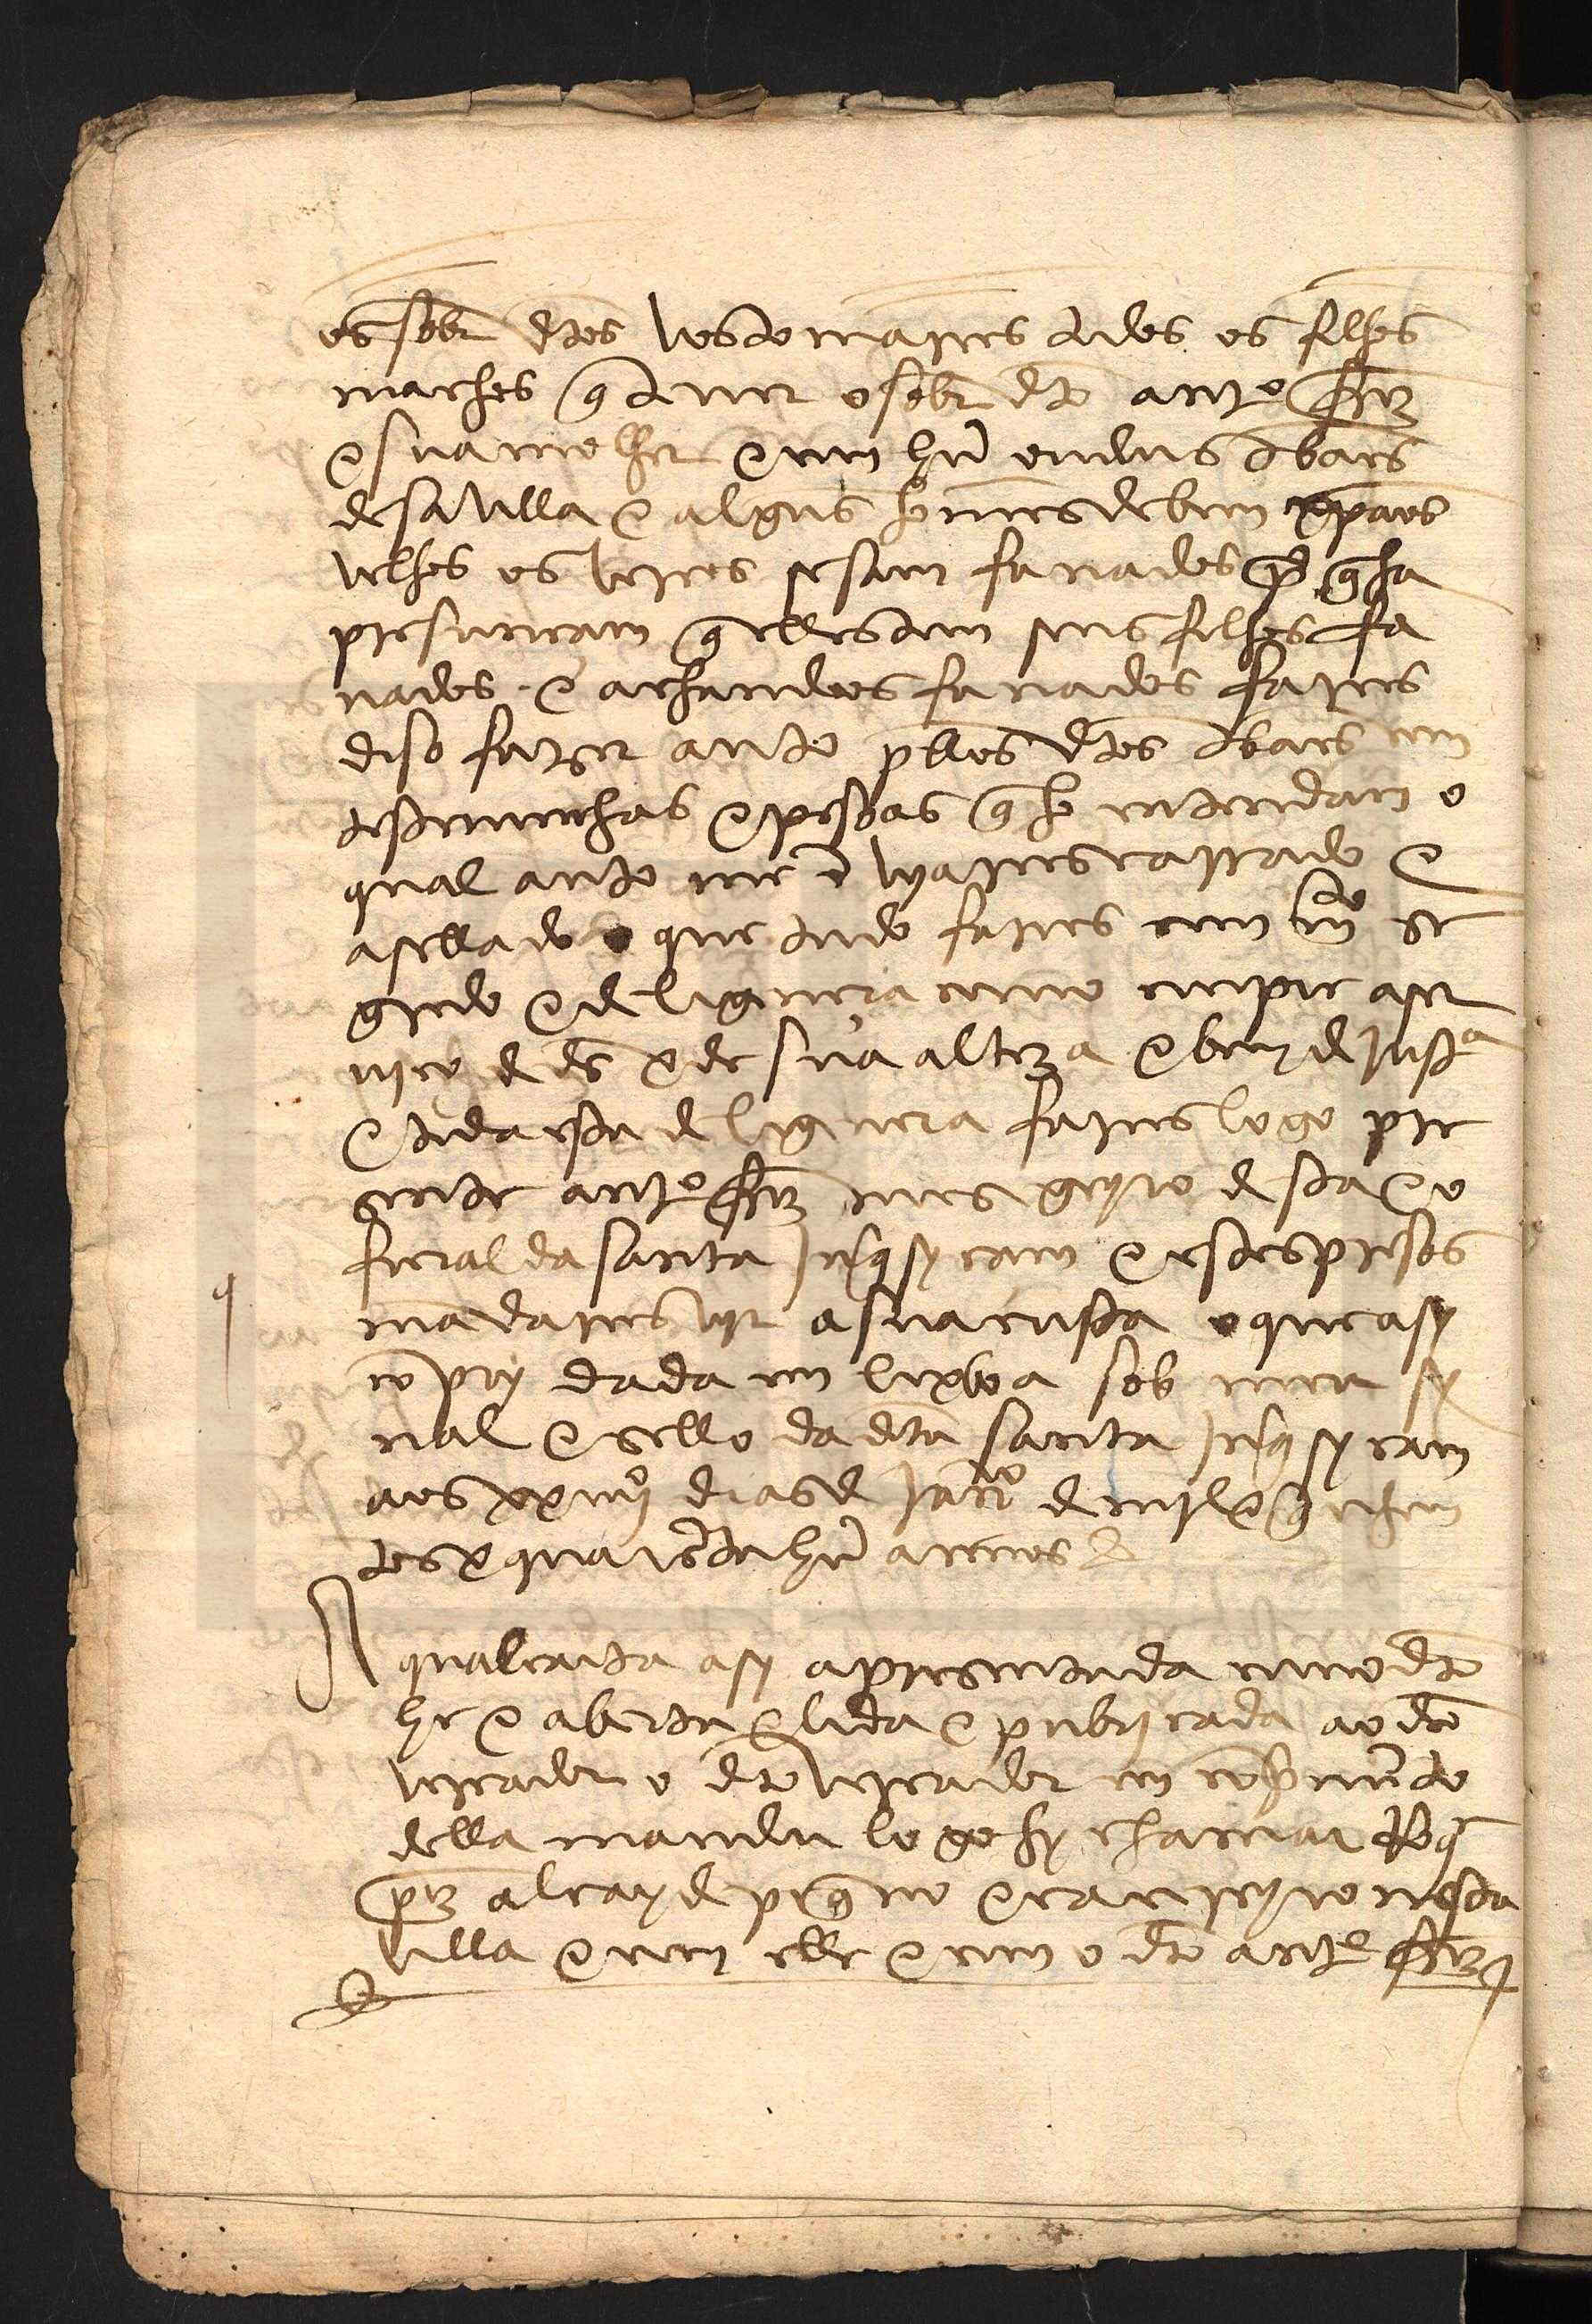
os s̄obr dtos vos tomarees todos os filhos
machos q̄ teuer o s̄obr d̄to anto f̄rrz
e sua molher e com hū ou dous tbães
desa villa e algūs hom̄es de bem xpãos
velhos os verees se sam fanados p̄oq̄ ha
presunçam q̄ elles tem seus filhos fa
nados . e achandoos fanados farees
diso fazer auto p̄llos dt̄os tbães com
testemunhas e pesoas q̄ ho entendam o
qual auto me ēvyarees carrado e
asellado o que tudo farees com mto se
gredo e deligençia como cunpre a ser
ujço de d̄s e de sua alteza e bem de Justa
e toda esta deligencia farees logo pre
sente anto f̄rrz mesegeyro desta e o
ficial da santa Jnq̄sycam e estes presos
mādarees vyr a sua custa o que asy
c̄opry dada em lixboa sob meu sy
nal e sello da dta santa Jnq̄sycam
aos xxiiijo dias de Janro de mjl e q̄nhen
tos e quarēta hū annos
A qual carta asy apresentada como d̄to
he e aberta e lida e pubrjcada ao d̄o
vereador o d̄to vereador em c̄op̄mēto
della mandou logo hy chamar Roqe
p̄iz alcayde peq̄no e cacereyro nesta
villa e com elle e com o d̄to anto fr̄rz
